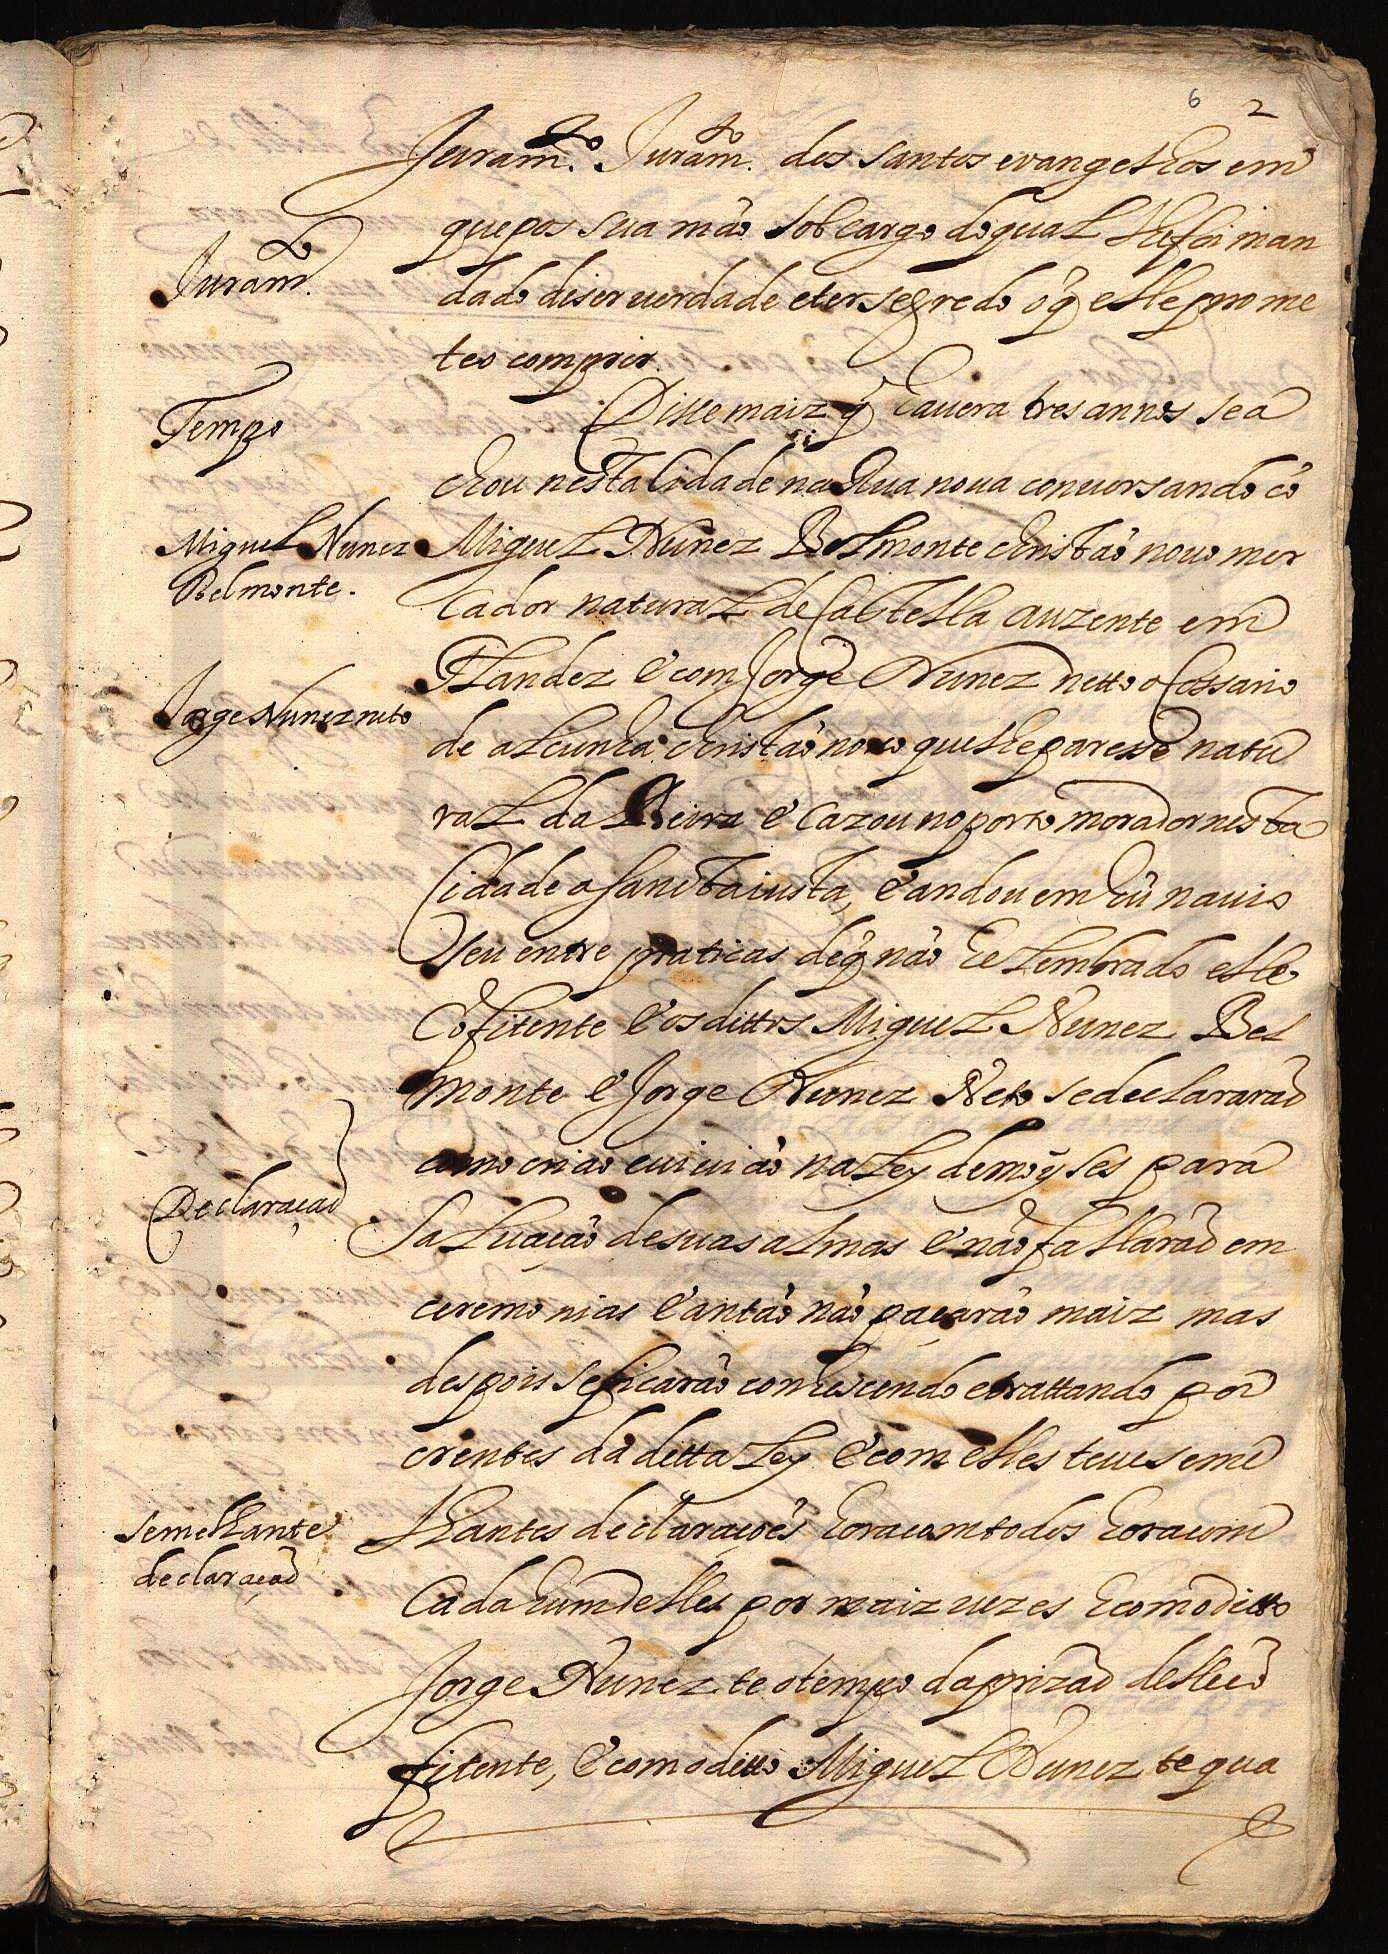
2
Juram.to Iuram.to dos santos evangelhos em
que pos sua mão sob cargo do qual lhe foi man
Iuram.to
dado diser uerdade e ter segredo o q̄ elle prome
teo comprir.
Disse maiz q̄ hauera tres annos se a
Tempo
chou nesta Cidade na Rua noua conuersando cō
Miguel Nunez Belmonte christaõ nouo mer
Miguel Nunez
Belmonte.
cador natural de Castella auzente em
Flandez, e com Jorge Nunez netto Cossario
Iorge Nunez neto
de alcunha christaõ nouo que lhe paresse natu
ral da Beira, e cazou no porto morador nesta
Cidade a sancta iusta, e andou em hū nauio
seu entre praticas de q̄ não he lembrado elle
cōfitente, e os dittos Miguel Nunez Bel
monte e Jorge Nunez Neto se declararaõ
como criaõ e uiuiaõ na Ley de moyses para
Declaraçaõ
Saluaçaõ de suas almas, e não fallarão em
ceremonias e antaõ naõ paçarão maiz, mas
despois se ficarão conhescendo e trattando por
crentes da ditta Ley e com elles teue seme
tantes declaraçoẽs hora com todos hora com
semelhante
declaraçaõ
Cada hum delles por mais uezes E com o ditto
Jorge Nunez te o tempo da prizaõ delle cō
fitente, e com o ditto Miguel Nunez te qua
